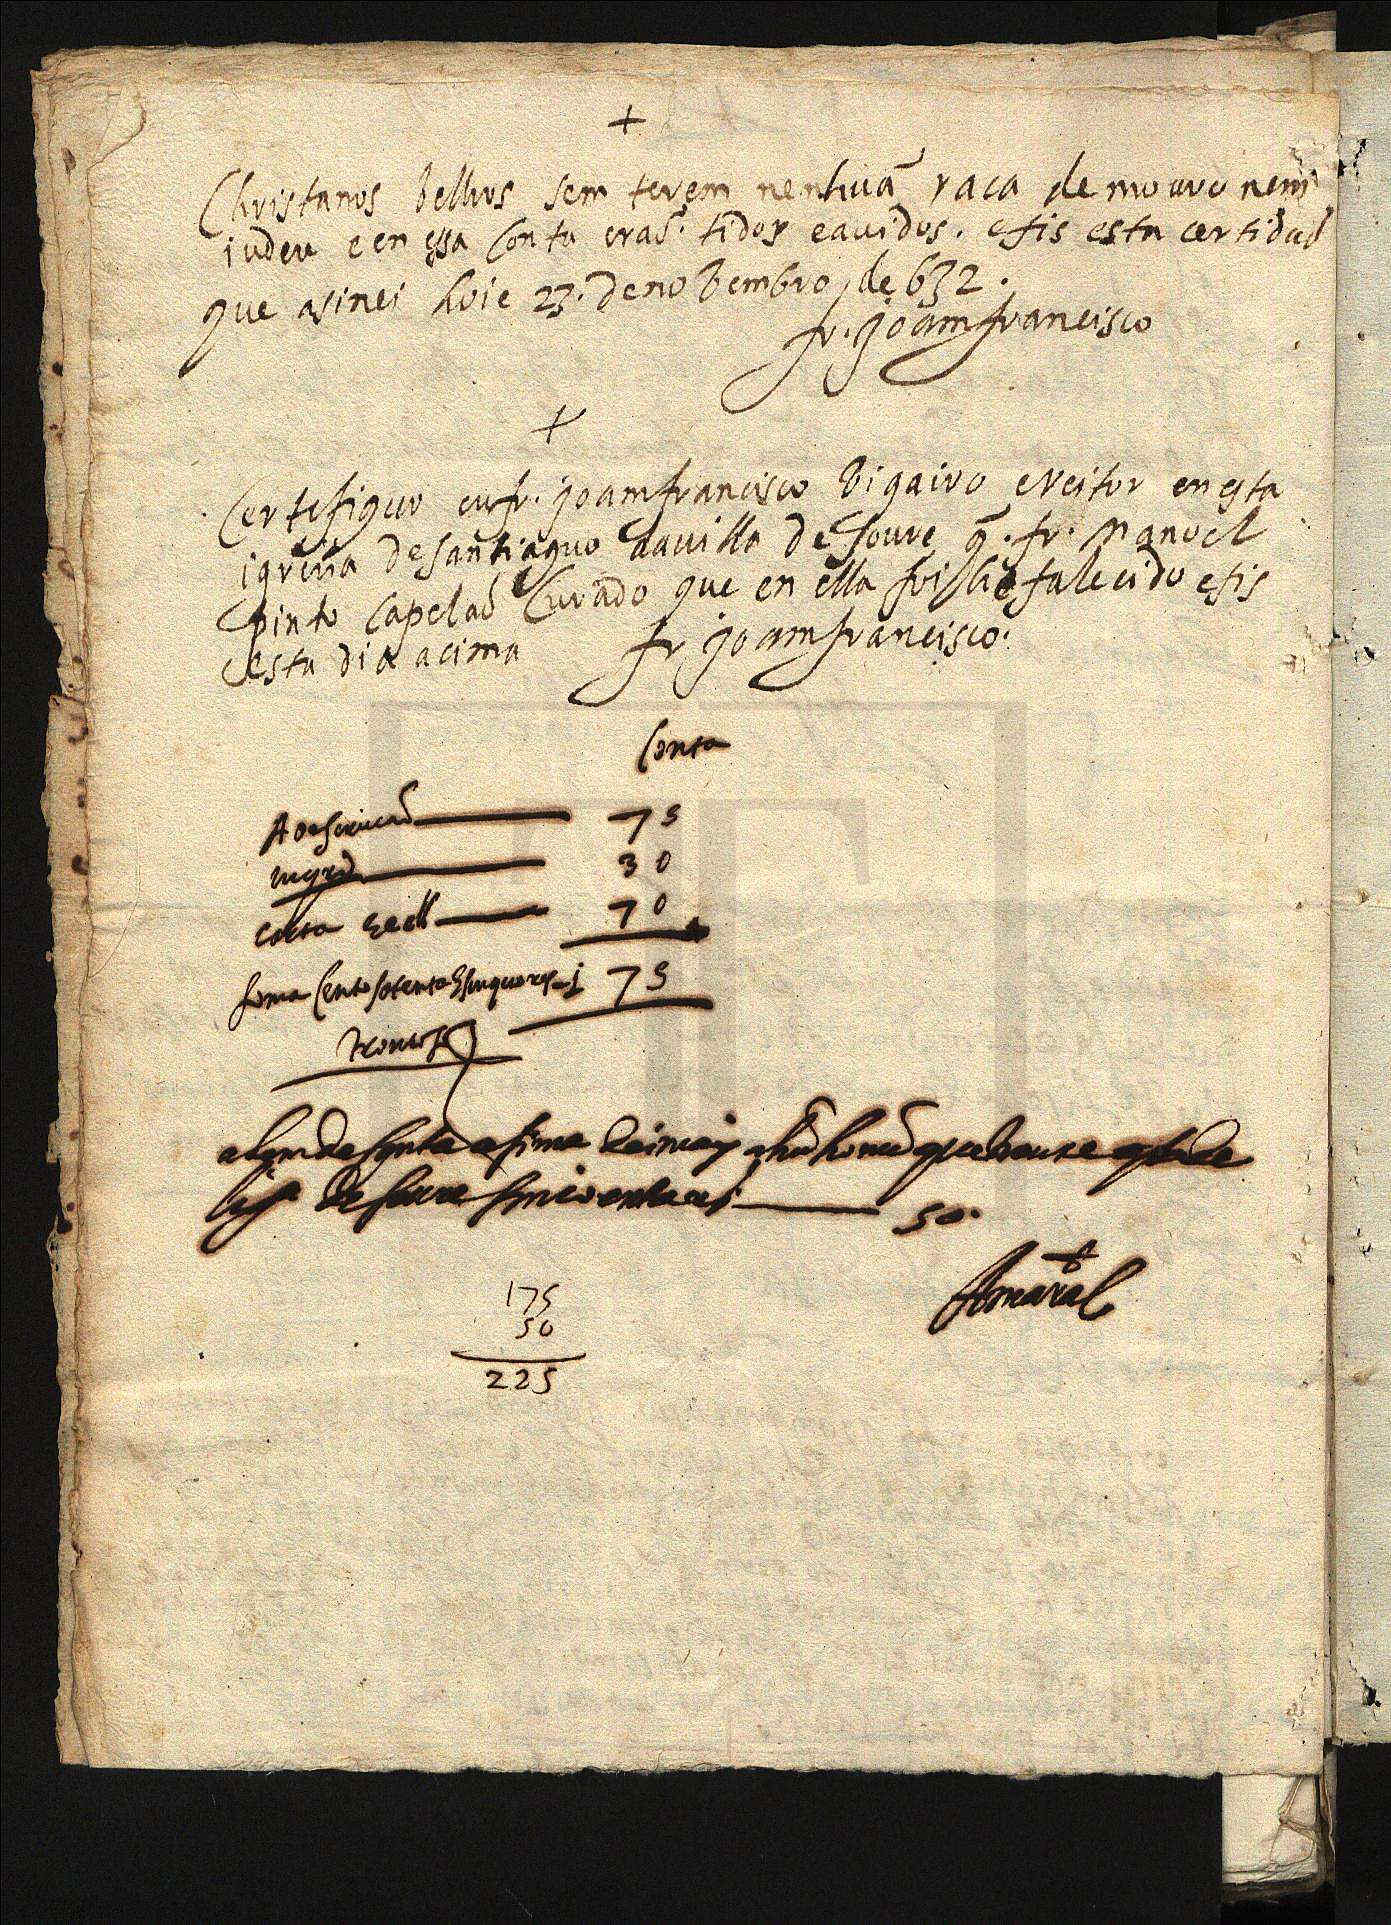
Christanos velhos sem terem nenhuā raca de mouro nem
iudeu e en essa Conta eraõ tidos e auidos. e fis esta certidaõ
que asinei hoie 23. de novembro de 632.
Certefiquo eu fr. joam francisco vigairo e reitor en esta
igreiia de Santiaguo da uilla de Soure, q̄. fr. Manuel
pinto capelaõ Curado que en ella foi he falecido e fis
esta dia acima
Conta
Ao escriuaõ - 75
inqro - 30
carta Et all - 70
soma Cento setemta E sinquo res - i75
alem da Conta asima dei mais a hū homē que trouxe _ de
iga de soure sincoenta rs̄ - 50.
175
50
225
